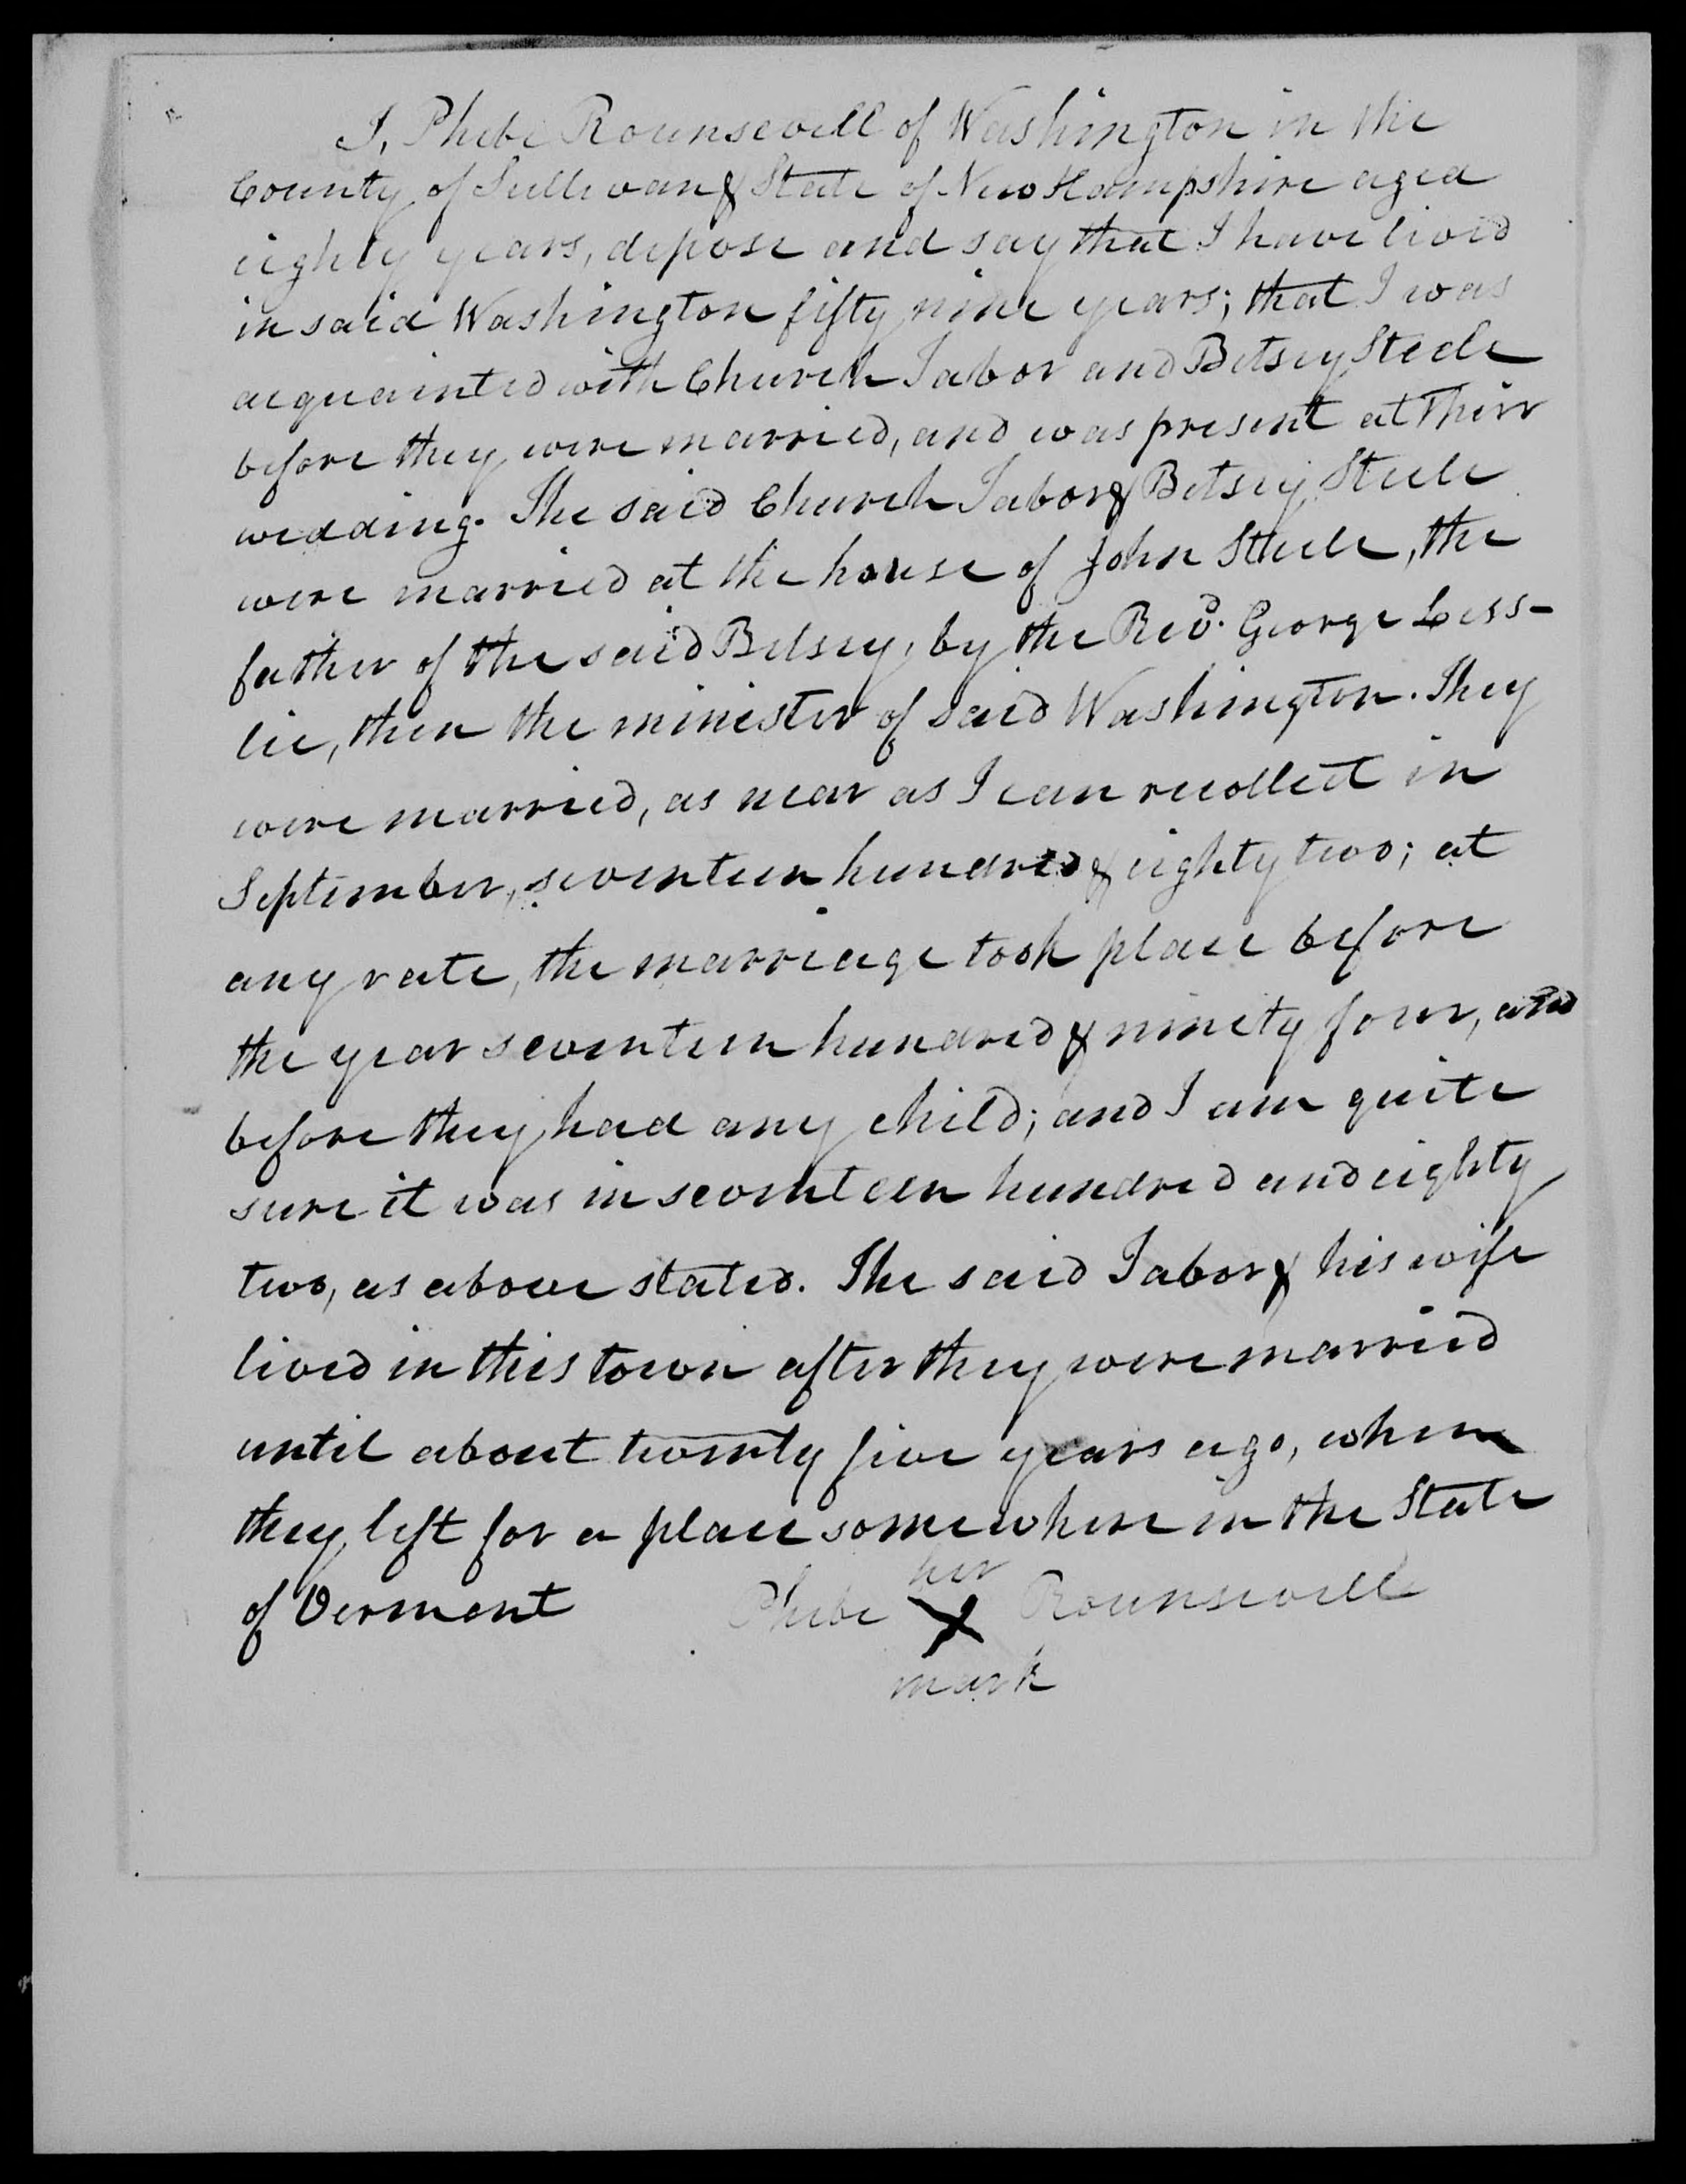I, Phebe Roundwell of Washington in the County of Sullivan and State of New Hampshire aged eighty years depose and say that I have lived in said Washington fifty nine years; that I was acquainted with Church Tabor and Betsey Steele before they were married and was present at their wedding. The said Church Tabor & Betsey Steele were married at the house of John Steele, father of the said Betsey, by the Revd. George Lesslie, then minister of said Washington. They were married, as near as I can recollect in September seventeen hundred eighty two; at any rate, the marriage took place before the year seventeen hundred & ninety four, and before they had any child; and I am quite sure it was in seventeen hundred and eighty two, as above stated. The said Tabor & his wife lived in this town after they were married until about twenty five years ago, when they left for a place some where in the State of Vermont.
Phebe Rounswell
her X mark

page: 36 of 41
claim: widow's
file: W 26507, for Church Tabor, Massachusetts